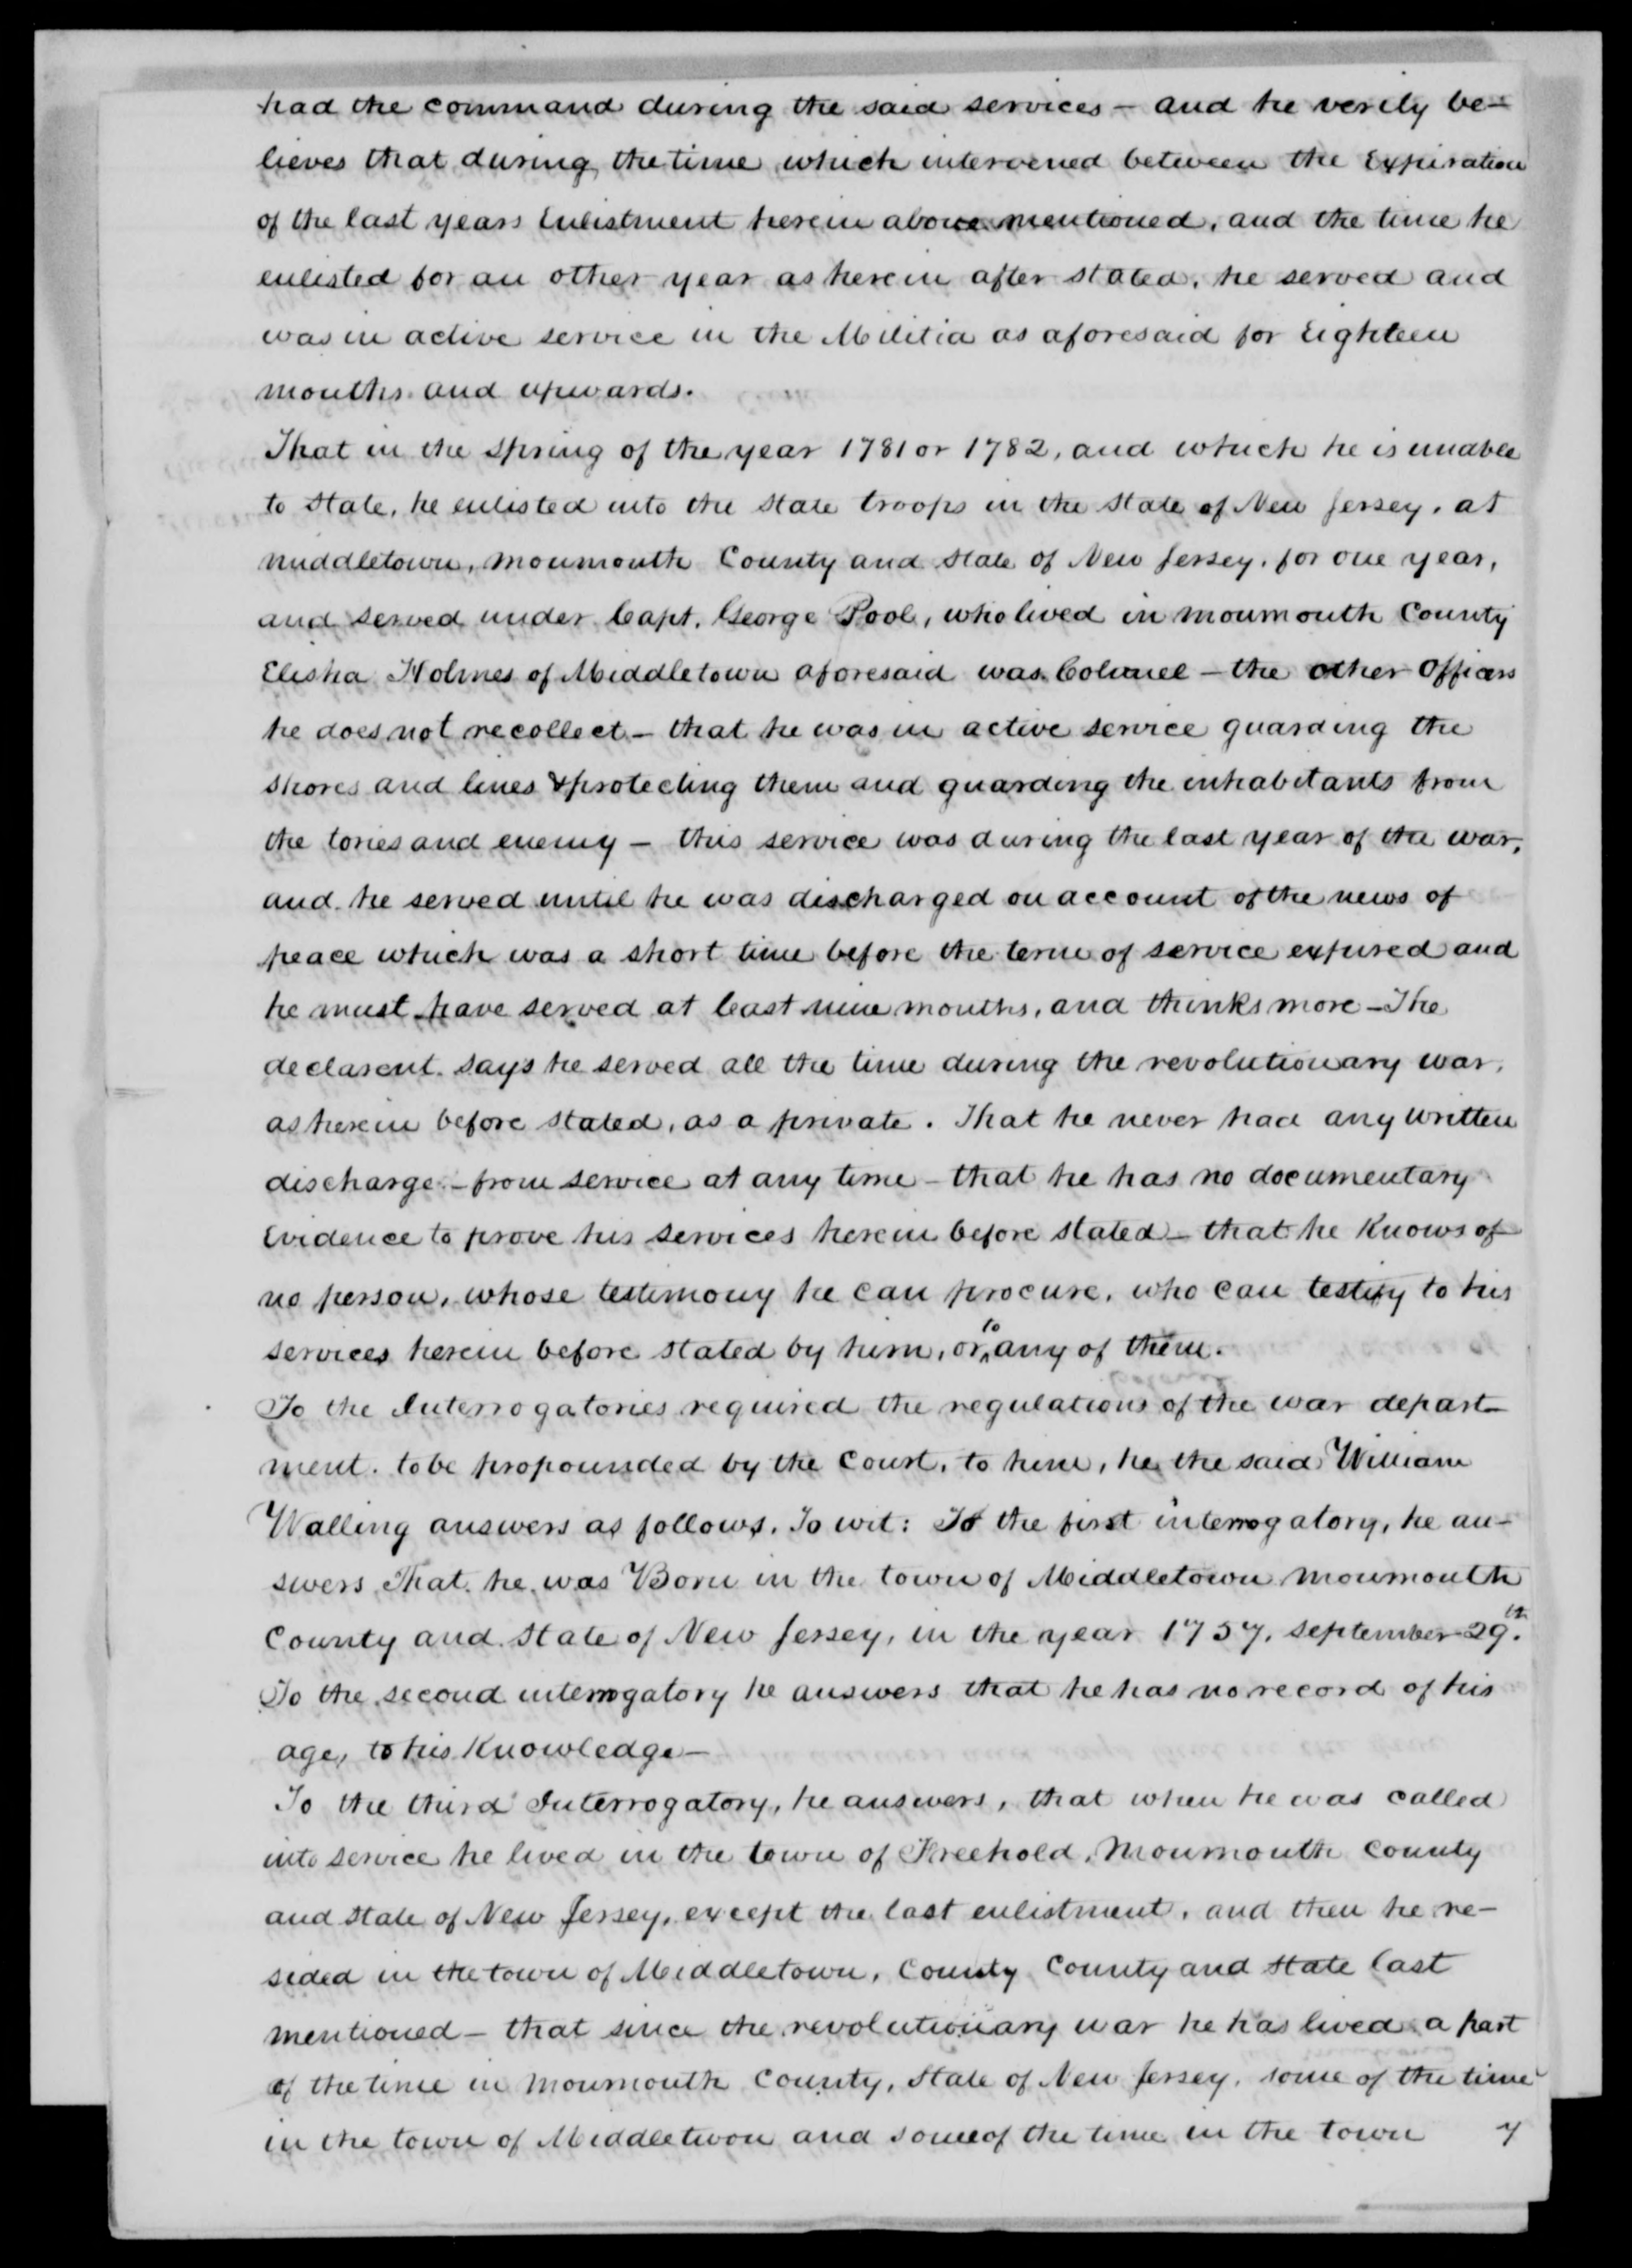had the command during the said services - and he verily believes that during the time which intervened between the expiration of the last year's enlistment herein above mentioned, and the time he enlisted for all other years as herein after stated, he served and was in active service in the Militia as aforesaid for eighteen months and upwards.
That in the spring of the year 1781 or 1782, and which he is unable to state, he enlisted into the State troops in the State of New Jersey, at Middletown, Monmouth County and State of New Jersey, for one year, and served under Capt. George Pool, who lived in Monmouth County, Elisha Holmes of Middletown aforesaid was Colonel - the other officers he does not recollect - that he was in active service guarding the shores and lives & protecting them and guarding the inhabitants from the Tories and enemy - this service was during the last year of the war, and he served until he was discharged on account of the news of peace which was a short time before the term of service expired and he must have served at least nine months, and thinks more - The declarant says he served all the time during the revolutionary war as herein before stated, as a private.  That he never had any written discharge - from service at any time - that he has no documentary evidence to prove his services herein before stated - that he knows of no person, whose testimony he can procure, who can testify to his services herein before stated by him, or to any of them.  To the Interrogatories required the regulations of the war department to be propounded by the court, to him, he the said William Walling answers as follows, To wit: To the first interrogatory, he answers that he was born in the town of Middletown, Monmouth Comity and State of New Jersey in the year 1757, September 29th. To the second interrogatory he answers that he has no record of his age, to his knowledge.  To the third interrogatory, he answers that when he was called into service he lived in the town of Freehold, Monmouth County and State of New Jersey, except that last enlistment, and then he resided in the town of Middletown, Court, County and State last mentioned - that since the revolutionary war he has lived a part of the time in Monmouth County, State of New Jersey, some of the time in the town of Middletown and some of the time in the town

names: Elisha Holmes, George Pool, William Walling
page: 41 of 66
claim: widow's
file: W. 19588, William Walling, New Jersey